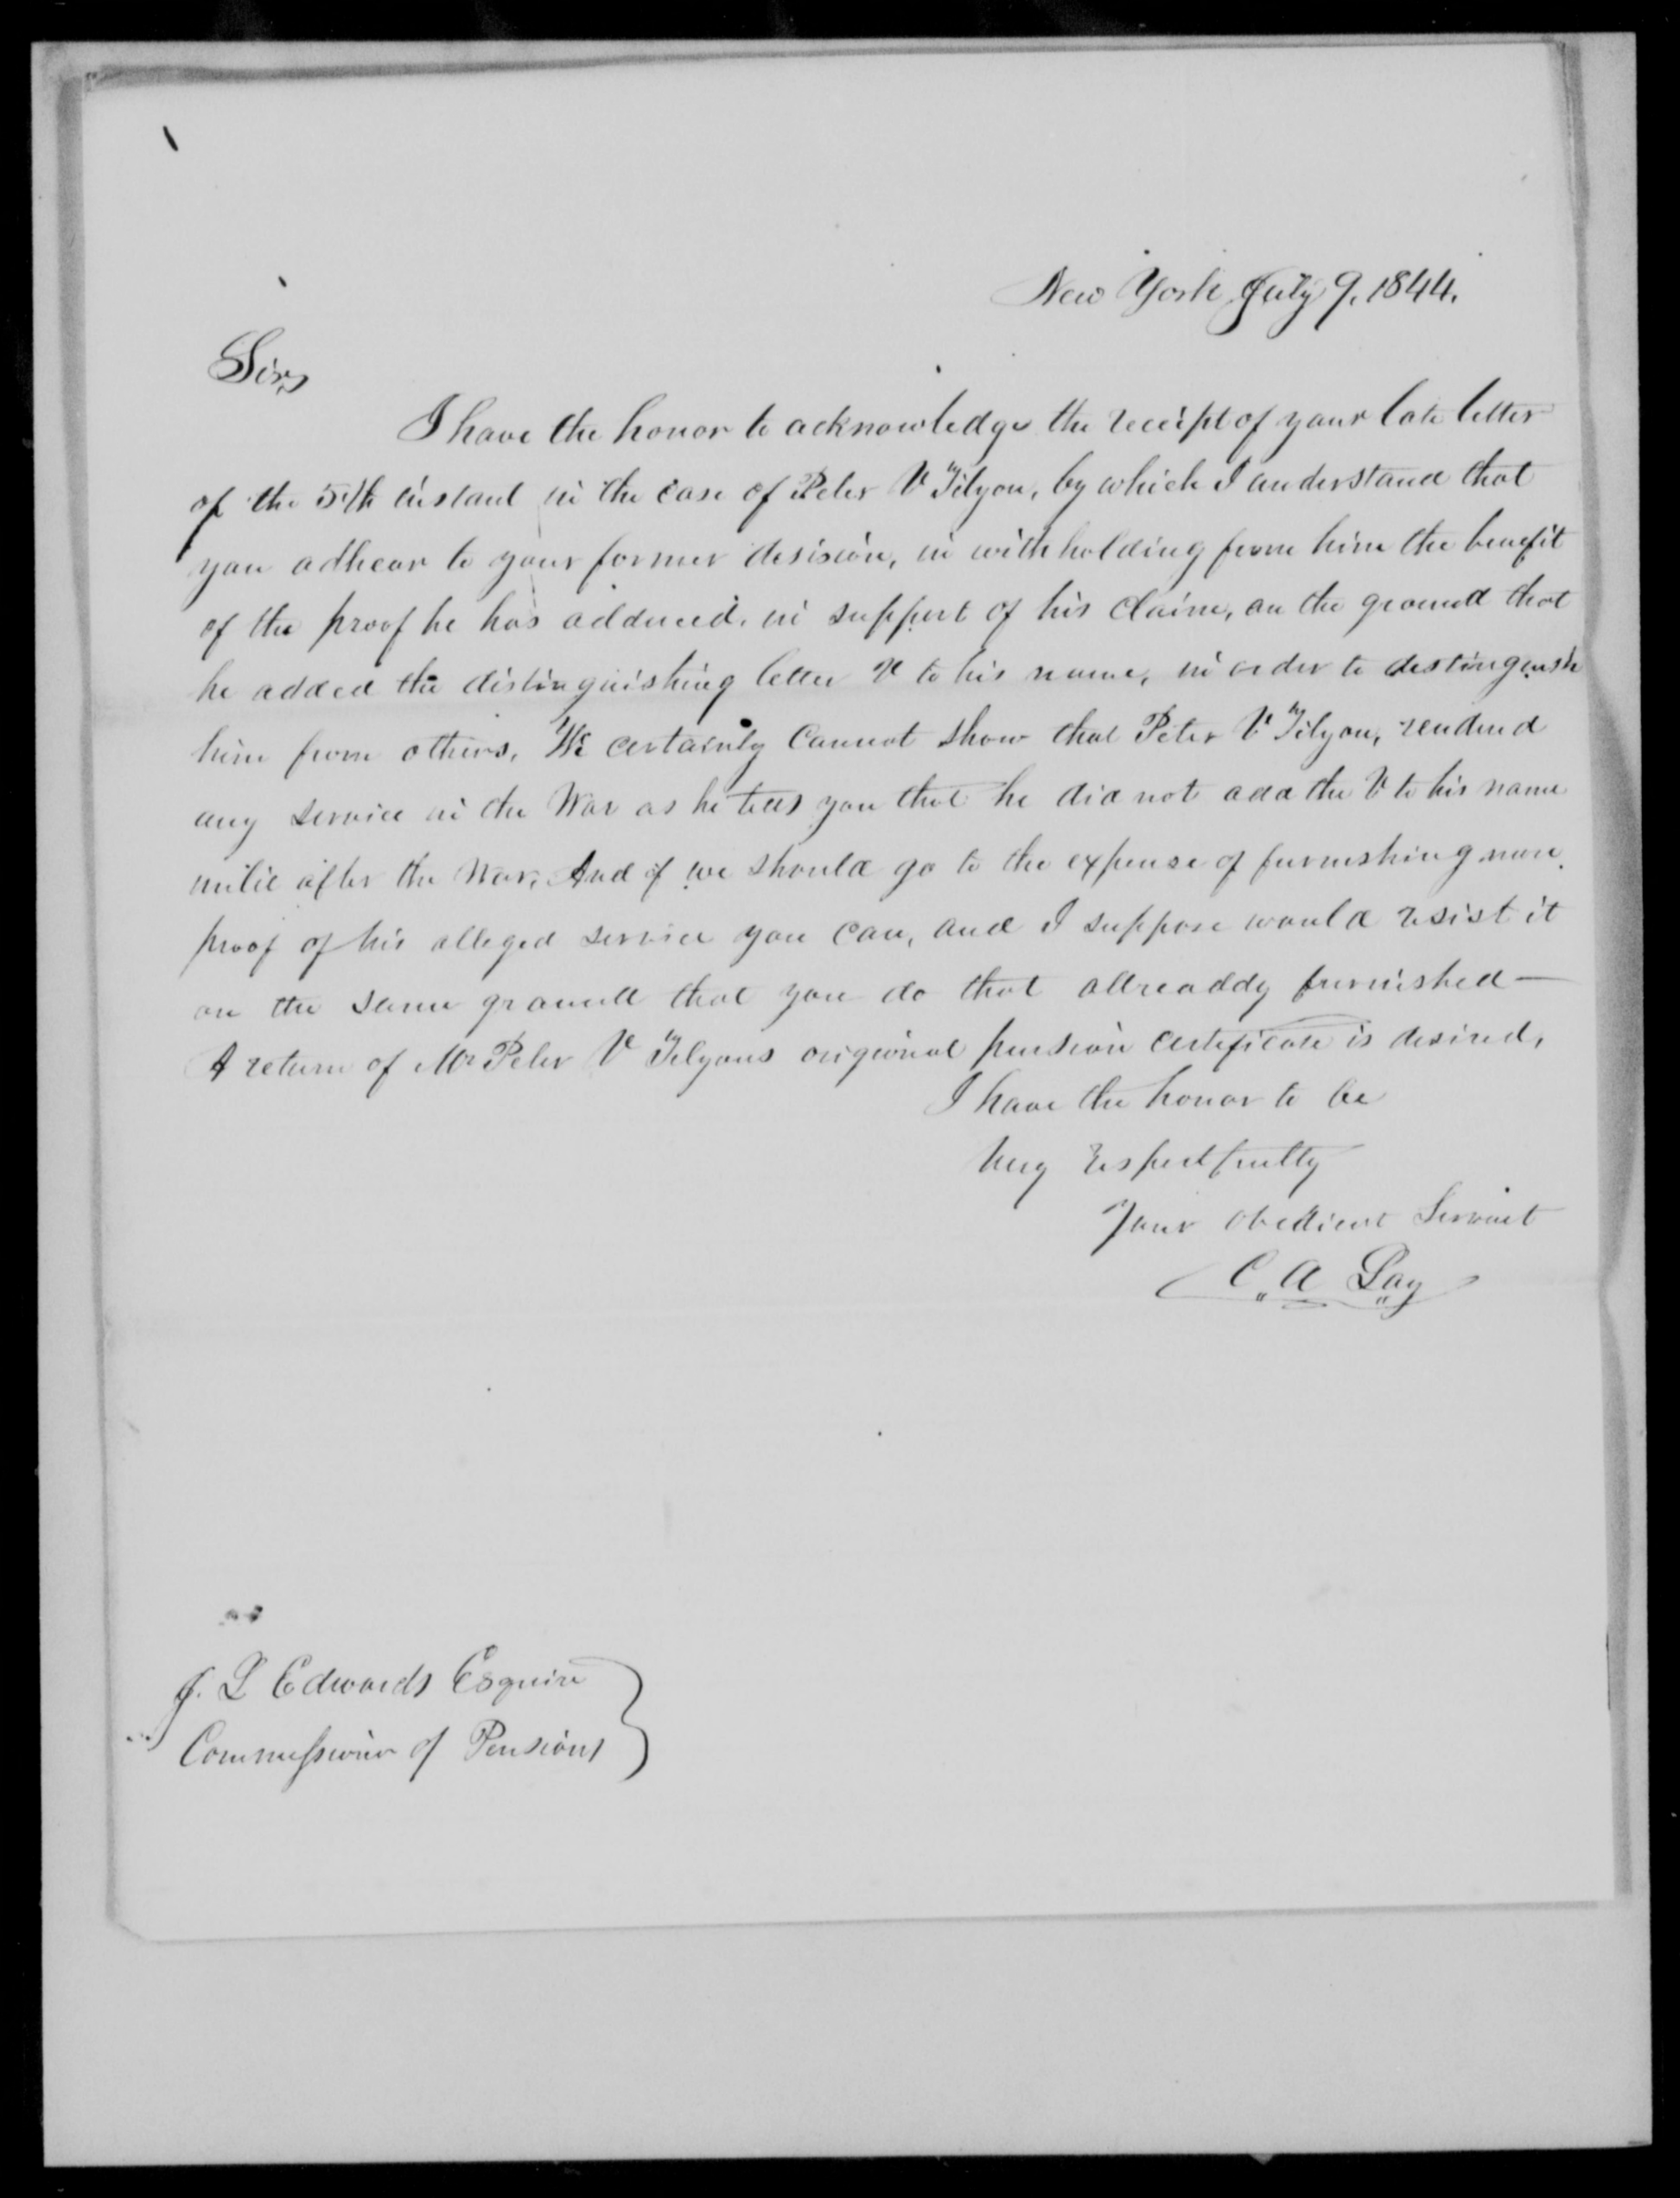New York July 9, 1844.
Sir,

     I have the honor to acknowledge the receipt of your late letter of the 5th instant in the case of Peter V. Tilyou, by which I understand that you adhere to your former decision, in with holding from him the benefit of the proof he has addressed in support of his claim, on the grounds that he added the distinguishing letter V to his name, in order to distinguish him from others. We certainly cannot show that Peter V. Tilyou rendered any service in the War as he told you that he did not add the V to his name until after the War. And if we should go to the expense of furnishing more proof of his alleged service you can, and I suppose would resist it on the same grounds that you do that already furnished  - A return of Mr. Peter V. Tilyous original pension certificate is desired,


              I have the honor to be
              very respectfully
                      Your Obedient Servant
                              C. A. Lay
J.L Edwards Esquire
Commissioner of Pensions}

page: 31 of 101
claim: widow's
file: W. 25481, for Peter V Tilyou, New Jersey